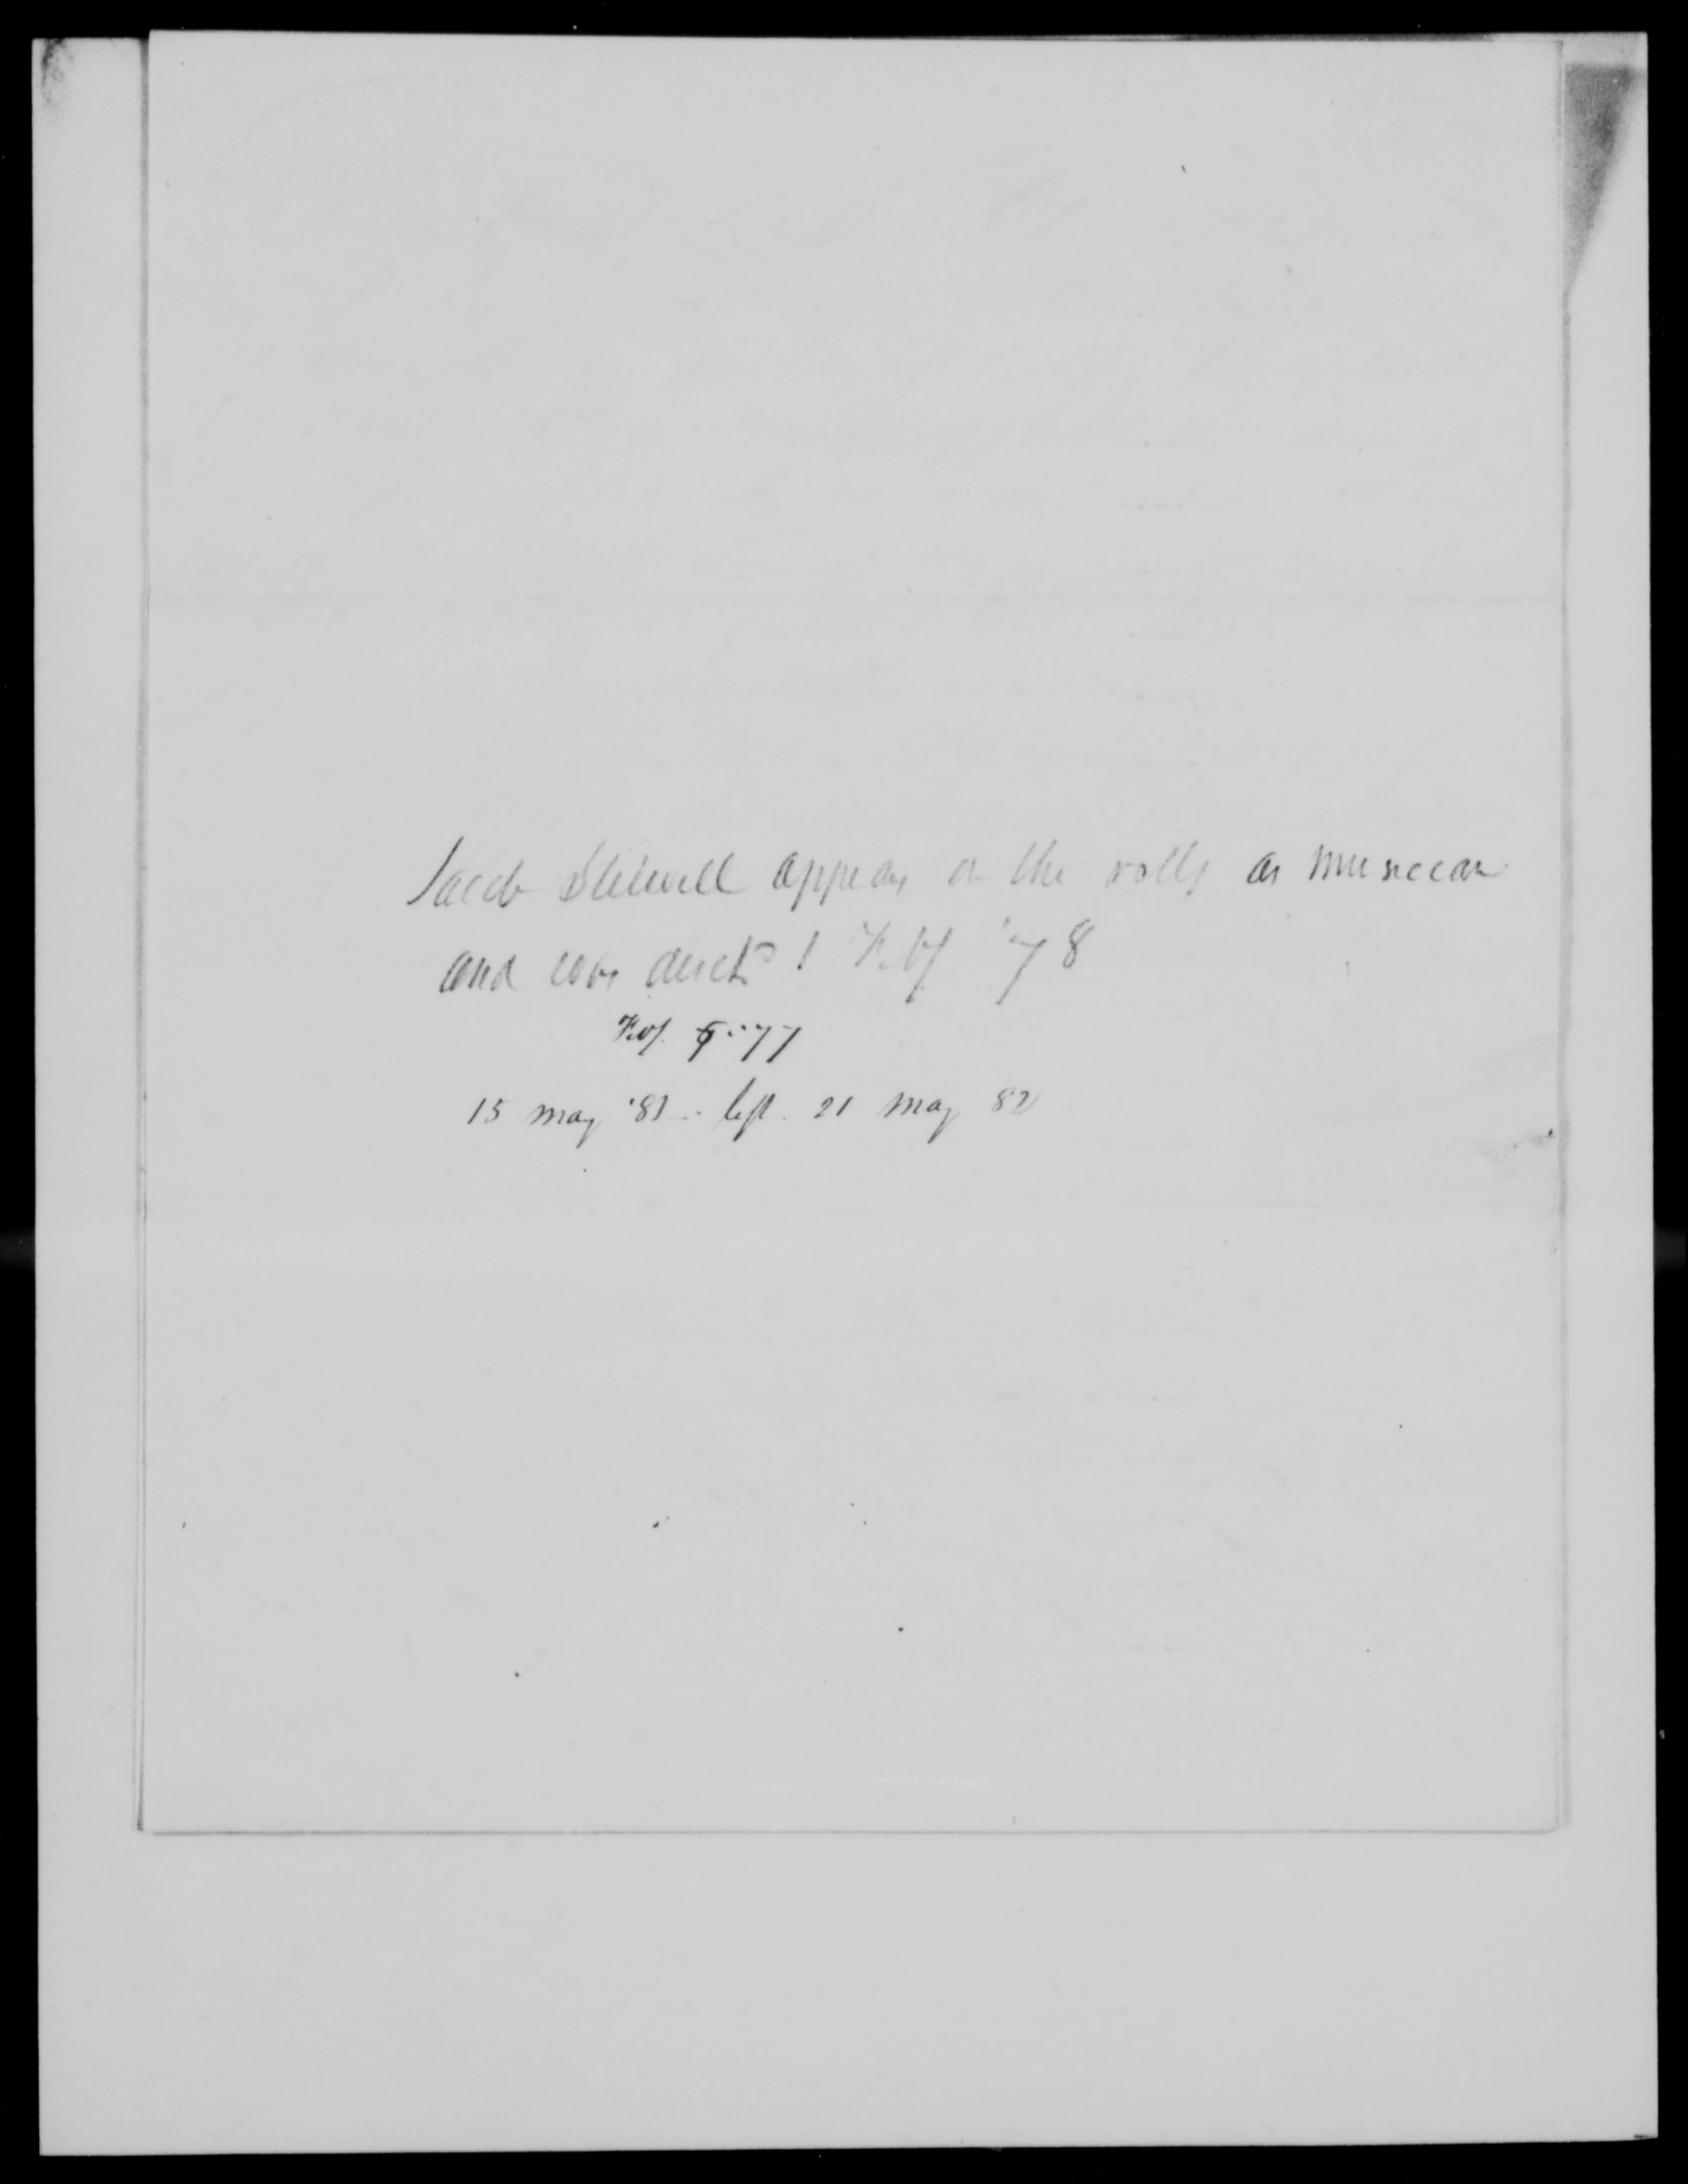Said Stilwell appears on the rolls as Musician
and was  disch. 1 Feb.  '78
Feb. 7 "77
15 May '81 left. 21 May 82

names: Jacob Stilwell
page: 21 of 25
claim: survivor's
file: S. 31,993, for Jacob Stillwell, North Carolina